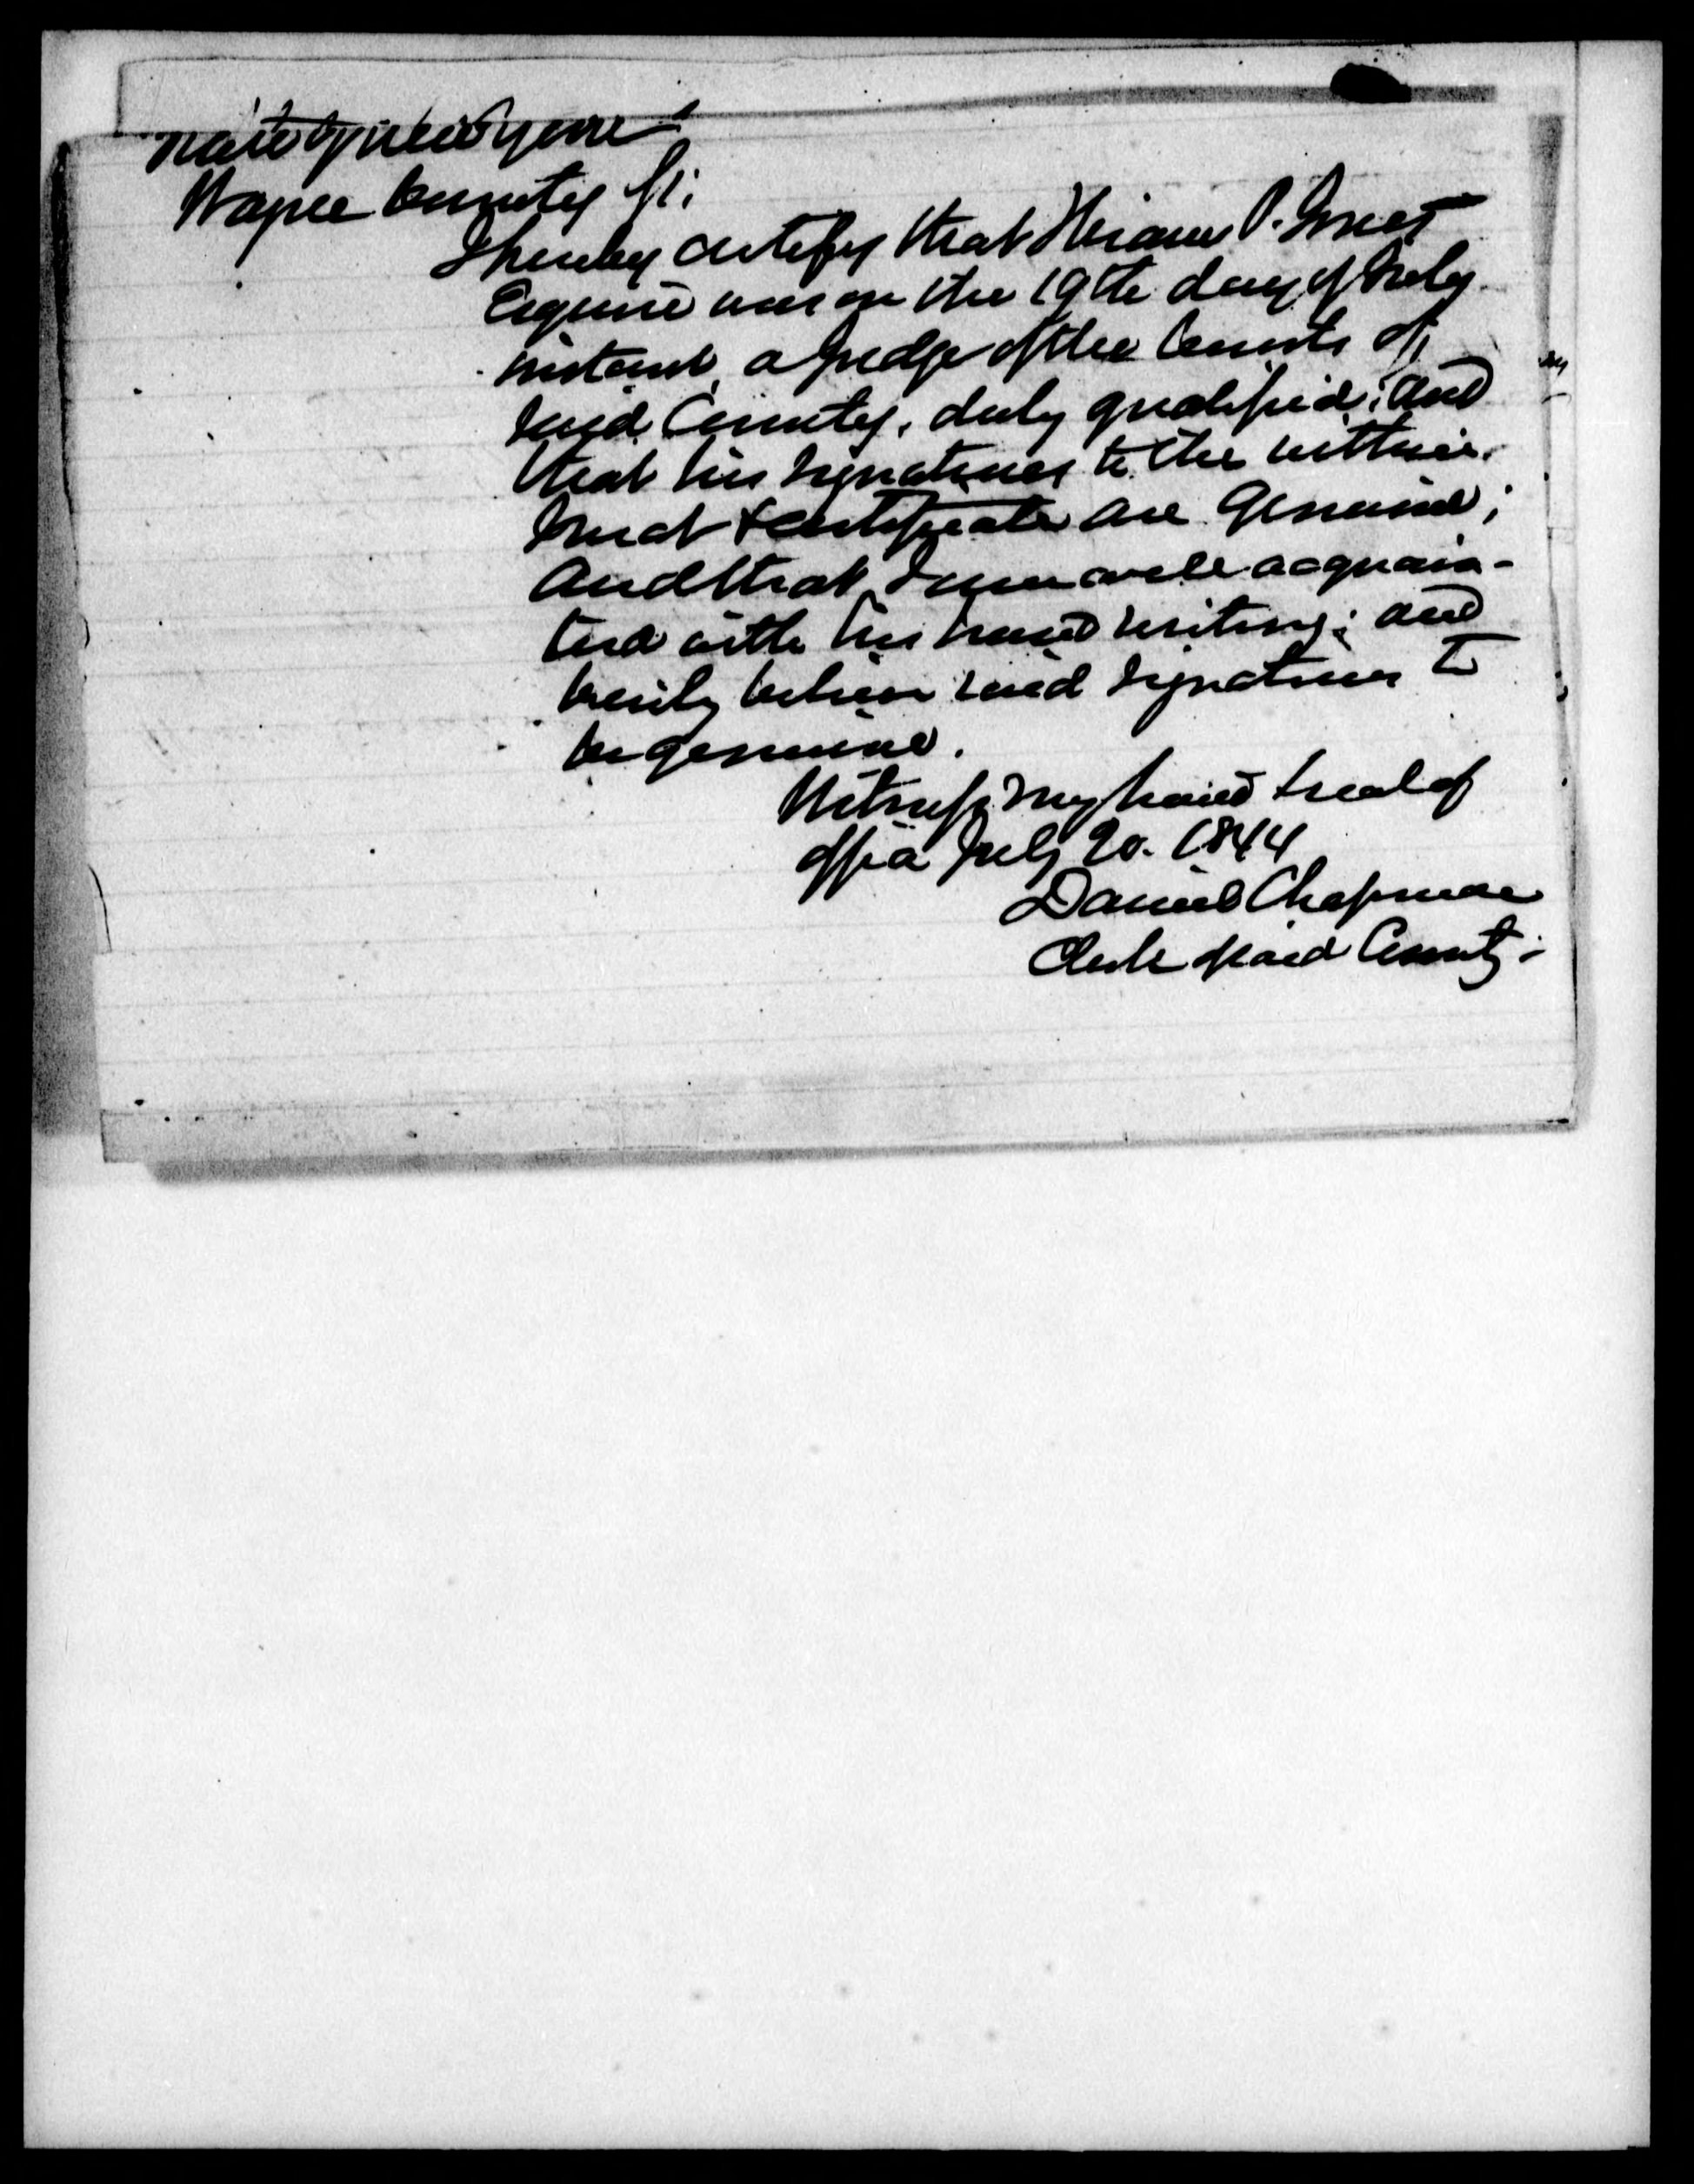State of New York
Wayne County SS.

I hereby certify that Hiram P. Jones Esquire was on the 19th day of July instant a Judge of the Courts of said County, duly qualified and that his signatures to the witness jurat & certificate are genuine, and that I am well acquainted with his hand writing and I verily believe said signature to be genuine.
Witness my hand seal of office July 20. 1844
Daniel Chapman [signature]
Clerk of said County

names: Daniel Chapman, Hiram P Jones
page: 67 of 70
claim: rejected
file: R. 10,832, Martin Van Buskirk, New York.